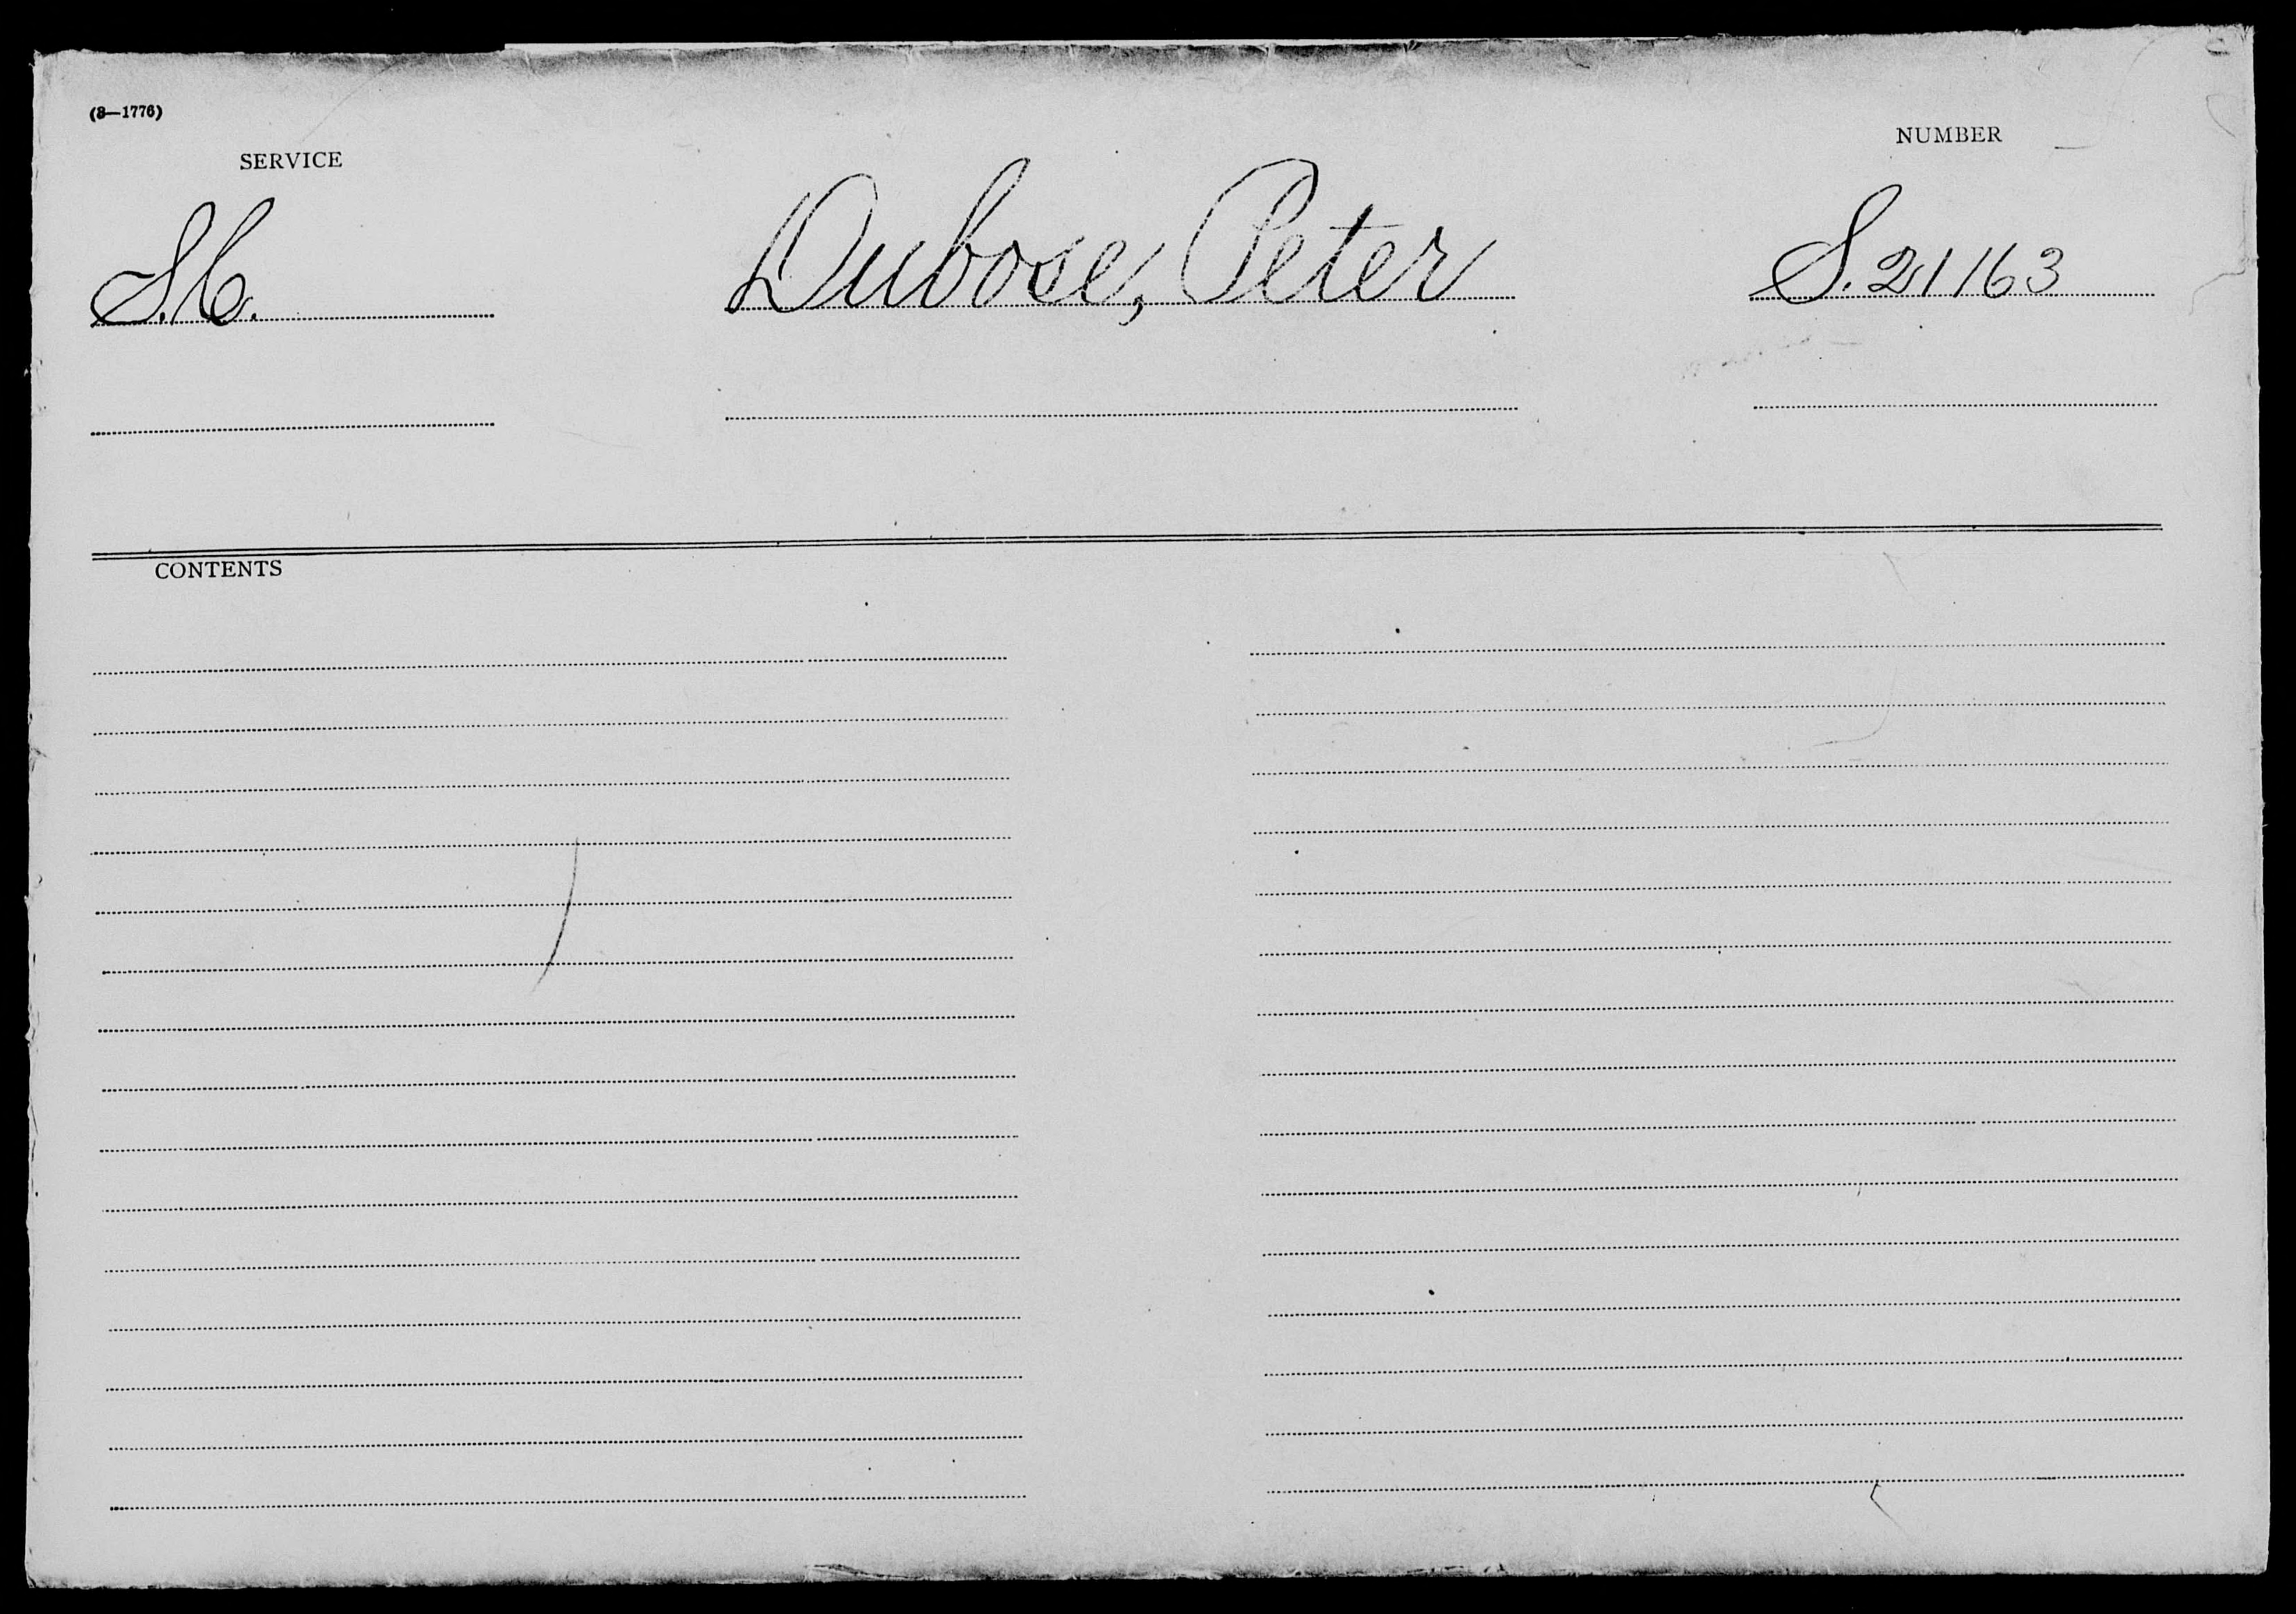(8-1776)
SERVICE.                                      NUMBER
S.C.             Dubose, Peter          S. 21163


CONTENTS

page: 1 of 43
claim: survivor's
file: S. 21163, Peter Dubose, S.C.